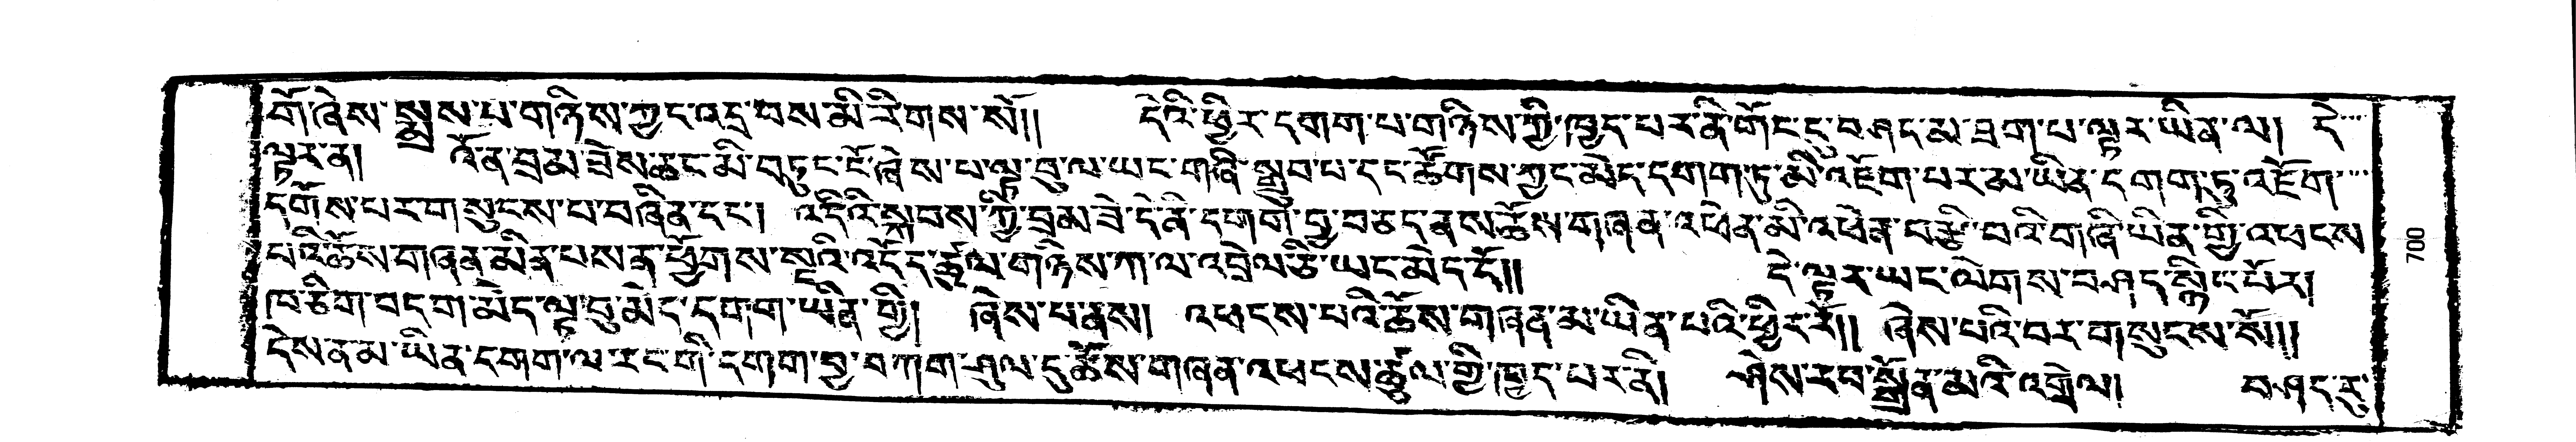གོ་ཞེས་སྨྲས་པ་གཉིས་ཀྱང་འདྲ་བས་མི་རིགས་སོ།། དེའི་ཕྱིར་དགག་པ་གཉིས་ཀྱི་ཁྱད་པར་ནི་གོང་དུ་བཤད་མ་ཐག་པ་ལྟར་ཡིན་ལ། དེ་
ལྟར་ན། འོ་ན་བྲམ་ཟེས་ཆང་མི་བཏུང་ངོ་ཞེས་པ་ལྟ་བུ་ལ་ཡང་གཞི་སྒྲུབ་པ་དང་ཚོགས་ཀྱང་མེད་དགག་ཏུ་མི་འཇོག་པར་མ་ཡིན་དགག་ཏུ་འཇོག་
དགོས་པར་གསུངས་པ་བཞིན་དང་། འདིའི་སྐབས་ཀྱི་བྲམ་ཟེ་དེ་ནི་དགག་བྱ་བཅད་ནས་ཆོས་གཞན་འཕེན་མི་འཕེན་བརྩི་བའི་གཞི་ཡིན་གྱི་འཕངས་
པའི་ཆོས་གཞན་མིན་པས་ན་ཕྱོགས་སྔའི་འདོད་ཚུལ་གཉིས་ཀ་ལ་འབྲེལ་ཅི་ཡང་མེད་དོ།། དེ་ལྟར་ཡང་ལེགས་བཤད་སྙིང་པོར།
ཁ་ཅིག་བདག་མེད་ལྟ་བུ་མེད་དགག་ཡིན་གྱི། ཞེས་པ་ནས། འཕངས་པའི་ཆོས་གཞན་མ་ཡིན་པའི་ཕྱིར་རོ།། ཞེས་པའི་བར་གསུངས་སོ།།
དེས་ན་མ་ཡིན་དགག་ལ་རང་གི་དགག་བྱ་བཀག་ཤུལ་དུ་ཆོས་གཞན་འཕངས་ཚུལ་གྱི་ཁྱད་པར་ནི། ཤེས་རབ་སྒྲོན་མའི་འགྲེལ། བཤད་རུ་